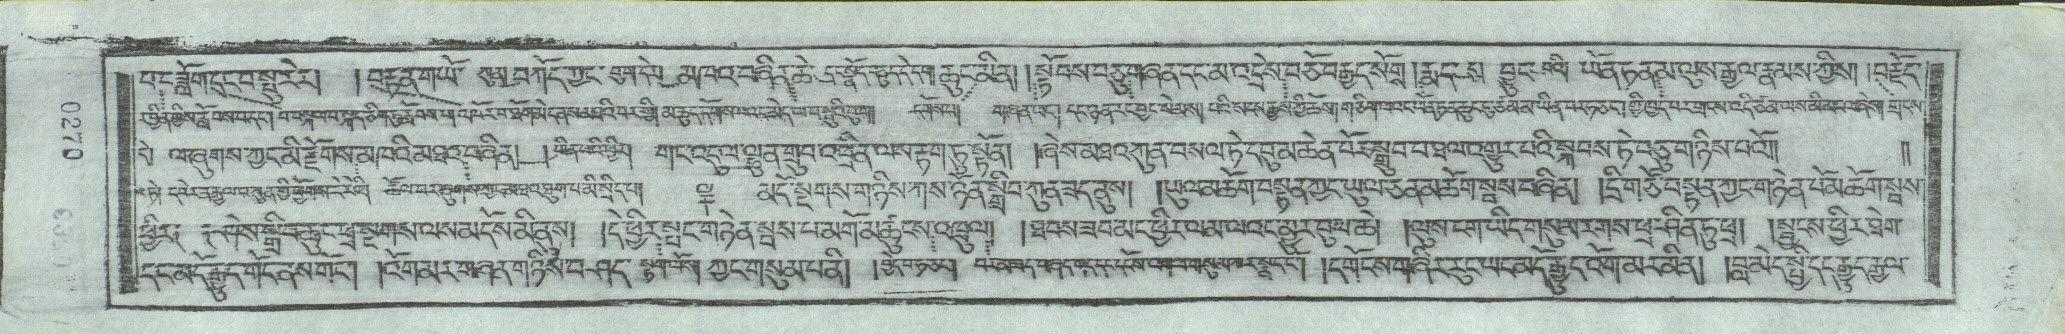བ་བཟློག་དང་བསྤུ་རེར། །བརྟན་གཡོ་ཀུན། བཀོད་ཀྱང་བུག་དེར། མཁའ་བཞིན། ཆེ་དང་སྣོད་བཅུད་དེ་དག། ཆུང་མིན། །སྟོབས་བཅུ་གཞན་དང་མ་འདྲེས་བཅོ་བརྒྱད་སོགས། རྨད་དུ། བྱུང་བའི། ཡོན་ཏན་མ་ལུས་རྒྱལ་རྣམས་ཀྱིས། །བརྗོད་
???རློབས་པ་དན། བསྐལ་བསྐད་ཅིག་ཏུ་རློབས་པ། འཁོར་བ་ཐོག་མེད་ནས་མཐའི་བར་གྱི། མཆུད་དོགས་ལའང་མེད་ལ་བ་སྦུའི་བུས། དགོས་པ། གཞན་ཡང་། དང་ཉན་རང་བྱང་སེམས། པའི་སངས་རྒྱས་ཀྱི་ཆོས། །གཅིག་བའང་ཡོན་ཏན་ཆུང་ངུ་ཙམ་མ་ཡིན་བར་ཧ་ཅང་། གྱི་ཁད་བར་གྲངས་འདི་ཙམ་ལས་མི་མང་ལ་དེས་གྲངས་
དེ། ལ་ཞུགས་ཀྱང་མི་རྫོགས་མཁའི་མཐའ་བཞིན། །ཡིད་པའི་ཕྱིར། གང་འདུལ་ལྷུན་གྲུབ་འཕྲིན་ལས་རྟག་ཏུ་སྟོན། །ཞེས་མཐའ་ཀུན་བསལ་ཏེ་དབུམ་ཅེན་པོར་སྒྲུབ་པ་ཐལ་འགྱུར་བའི་སྐབས་ཏེ་བཅུ་གཉིས་པའོ།། །།
འྟེ། དཔེར་ན་རྒྱལ་བ་རྩན་གྱི་ཕྱོགས་རེ་རེའི། ཚོལ་བར་ཞུགས་ཀྱང་མཐའ་ཐུག་པ་མི་སྲིད། ༈ མདོ་སྔགས་གཉིས་ཀས་ཉོན་སྒྲིབ་ཀུན་ཟད་ནུས། །ཡུལ་མཆོག་བསྟན་ཀྱང་ཡུལ་ཅན་མཆོག་སྤྲས་བཞིན། །དྲི་གཙོ་བསྟན་ཀྱང་ཉེན་པོ་མཆོག་སྦས་
ཕྱིར། །ཤེས་སྒྲུབ་ཆུང་ཕྲ་སྔགས་ལས་མདོས་མི་ནུས། །དེ་ཕྱིར་སྦང་གཉེན་སྤས་པ་མགོ་མཚུངས་འཁྲུལ། །ཐབས་ཟབ་མང་ཕྱིར་ལམ་ལའང་མྱུར་བུལ་ཆེ། །ལུས་ངག་ཡིད་གསུམ་རགས་ཕྲ་ཤིན་ཏུ་ཕྲ། །སྦྱངས་ཕྱིར་ཐེག་
དང་མདོ་རྒྱུད་དགོང་ནས་གོང་། །འོག་མར་གཞན་གཉིས་བཤད་སྟག་པོས། ཀྱང་། གསུམ་པ་ནི། །བྱོད་པ་ཧ་ཅང་། བར་ས་ཟད་བཞད་གད་དང་དངོས་འགལ་གསུམ་ཀར་སྣང་ངོ། །དགོངས་གཞིར་རུང་ཡང་མདོ་རྒྱུད་འོག་མར་མིན། །བླ་མེད་སྤྱི་དང་རྒྱུད་རྒྱལ་